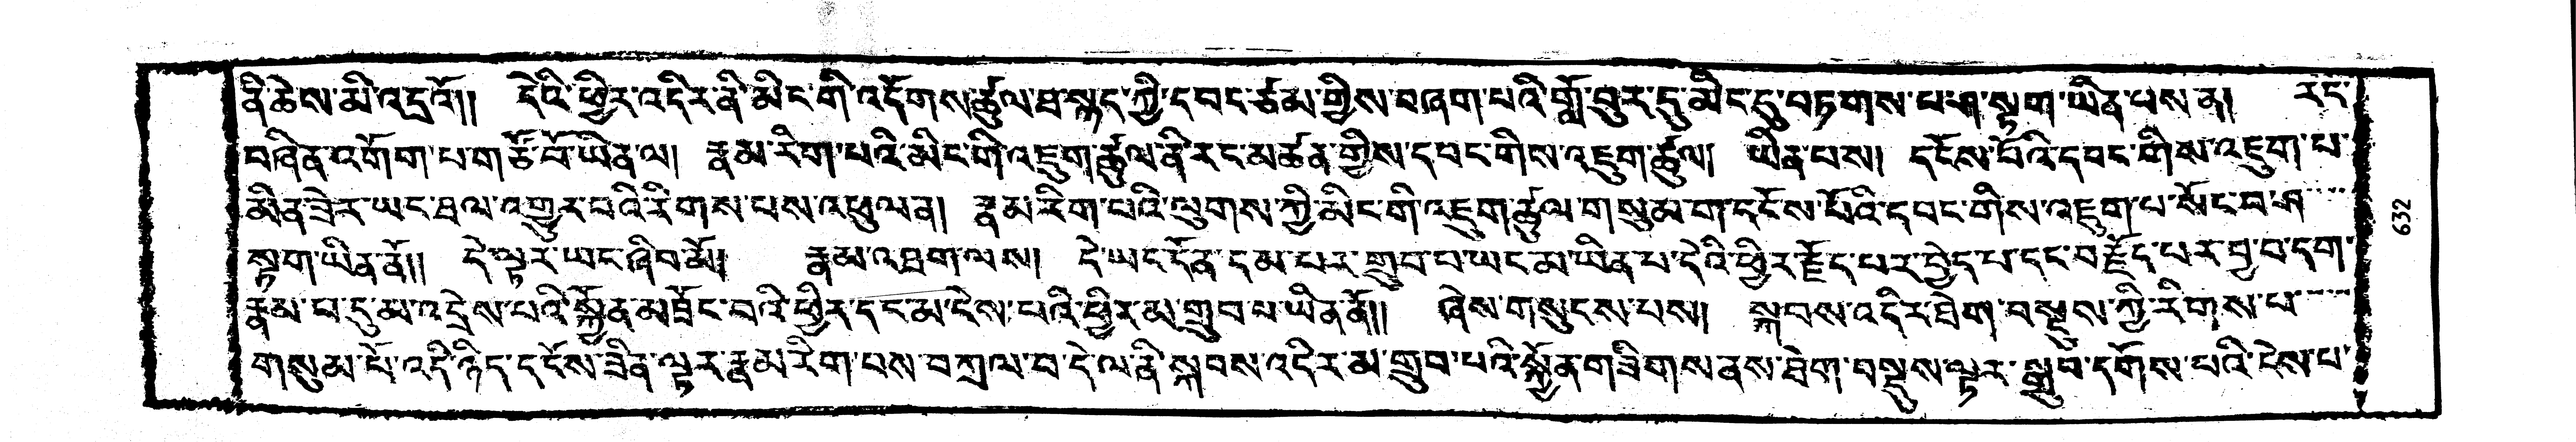ནི་ཆེས་མི་འདྲའོ། །དེའི་ཕྱིར་འདིར་ནི་མིང་གི་འདོགས་ཚུལ་ཐ་སྙད་ཀྱི་དབང་ཙམ་གྱིས་བཞག་པའི་གློ་བུར་དུ་མིང་དུ་བཏགས་པ་ཤ་སྟག་ཡིན་པས་ན། རང་
བཞིན་འགོག་པ་གཙོ་བོ་ཡིན་ལ། རྣམ་རིག་པའི་མིང་གི་འཇུག་ཚུལ་ནི་རང་མཚན་གྱིས་དབང་གིས་འཇུག་ཚུལ། ཡིན་པས། དངོས་པོའི་དབང་གིས་འཇུག་པ་
མིན་ཟེར་ཡང་ཐལ་འགྱུར་བའི་རིགས་པས་འཕུལ་ན། རྣམ་རིག་པའི་ལུགས་ཀྱི་མིང་གི་འཇུག་ཚུལ་གསུམ་ག་དངོས་པོའི་དབང་གིས་འཇུག་པ་སོང་བ་ཤ་
སྟག་ཡིན་ནོ། །དེ་ལྟར་ཡང་ཞིབ་མོ། རྣམ་འཐག་ལས། དེ་ཡང་དོན་དམ་པར་གྲུབ་པ་ཡང་མ་ཡིན་པ་དེའི་ཕྱིར་རྗོད་པར་བྱེད་པ་དང་བརྗོད་པར་བྱ་བ་དག་
རྣམ་པ་དུ་མ་འདྲེས་པའི་སྐྱོན་མཐོང་བའི་ཕྱིར་དང་མ་ངེས་པའི་ཕྱིར་མ་གྲུབ་པ་ཡིན་ནོ། །ཞེས་གསུངས་པས། སྐབས་འདིར་ཐེག་བསྡུས་ཀྱི་རིགས་པ་
གསུམ་པོ་འདི་ཉིད་དངོས་ཟིན་ལྟར་རྣམ་རིག་པས་བཀྲལ་བ་དེ་ལ་ནི་སྐབས་འདིར་མ་གྲུབ་པའི་སྐྱོན་གཟིགས་ནས་ཐེག་བསྡུས་ལྟར་སྒྲུབ་དགོས་པའི་ངེས་པ་